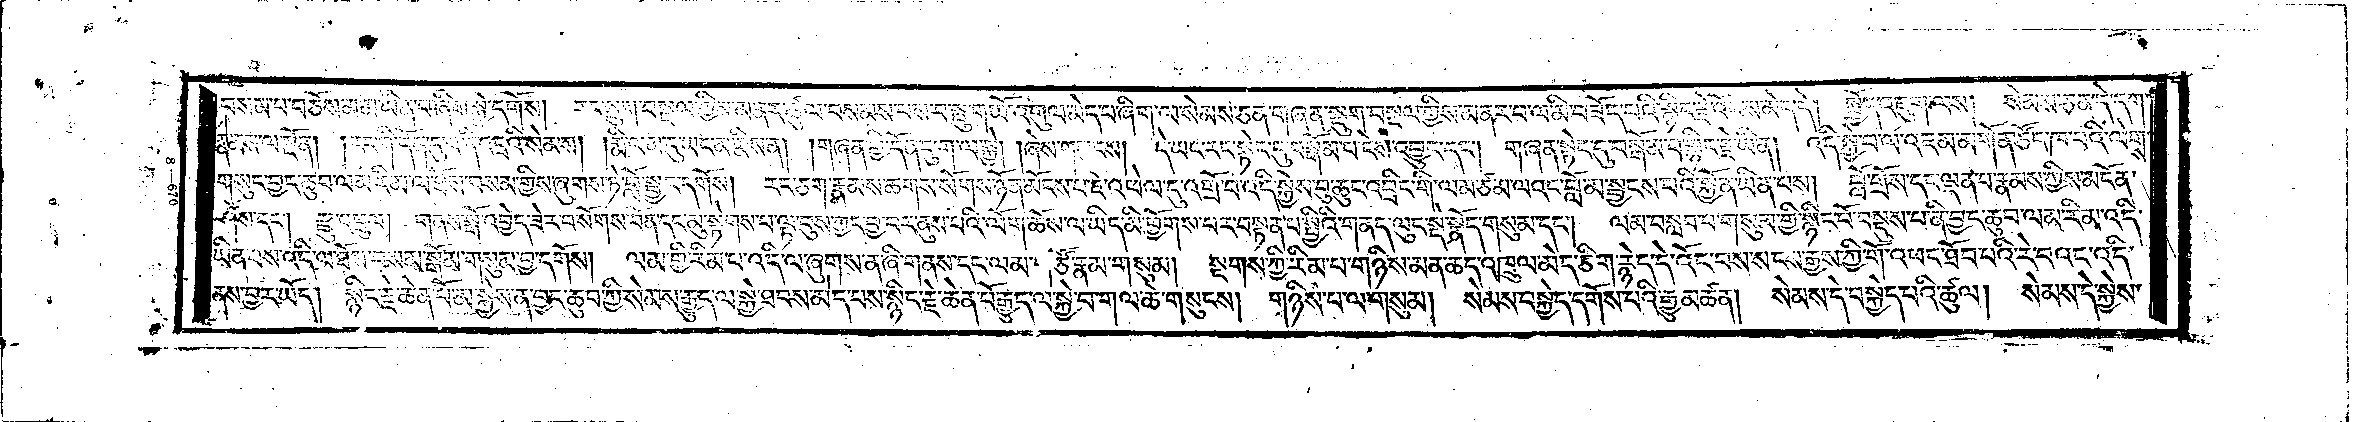བསམ་པ་བཅོས་མ་མ་ཡིན་པ་ཞིག་སྐྱེ་དགོས། རང་སྡུག་བསྔལ་གྱིས་མནར་ཚུལ་བསམས་པས་བ་སྤུ་གཡོ་འགུལ་མེད་པ་ཞིག་ལ་སེམས་ཅན་གཞན་སྡུག་བསྔལ་གྱིས་མནར་བ་ལ་མི་བཟོད་པའི་སྙིང་རྗེ་འོངས་མེད་དེ། སྤྱོད་འཇུག་ལས༑ སེམས་ཅན་དེ་དག་
རྣམས་ལ་སྔོན། །རང་གི་དོན་དུ་འདི་འདྲའི་སེམས། །རྨི་ལམ་དུ་ཡང་མ་རྨིས་ན། །གཞན་གྱི་དོན་དུ་ག་ལ་སྐྱེ། །ཞེས་གསུངས། དེ་ཡང་རང་སྟེང་དུ་བསྒོམ་པ་ངེས་འབྱུང་དང་། གཞན་སྟེང་དུ་བསྒོམ་པ་སྙིང་རྗེ་ཡིན། འདི་སྐྱེ་བ་ལ་འཇམ་མགོན་ཙོང་ཁ་པའི་ལེགས་
གསུང་བྱང་ཆུབ་ལམ་རིམ་ལ་ཐོས་བསམ་གྱིས་ཞུགས་ཏེ་བློ་སྦྱང་དགོས། རང་ཅག་རྣམས་ཆགས་སོགས་ཉོན་མོངས་པ་ཇེ་འཕེལ་དུ་འགྲོ་བ་འདི་སྐྱེས་བུ་ཆུང་འབྲིང་གི་ལམ་ཙམ་ལའང་བློ་མ་སྦྱངས་པའི་སྐྱོན་ཡིན་པས། བློ་གྲོས་དང་ལྡན་པ་རྣམས་ཀྱིས་མངོན་
ཤེས་དང་། རྫུ་འཕྲུལ། གནས་སྒོ་འབྱེད་ཟེར་བ་སོགས་བོན་དང་མུ་སྟེགས་པ་ལྟ་བུས་ཀྱང་བྱ་བར་ནུས་པའི་ལོག་ཆོས་ལ་ཡིད་མི་ཕྱོགས་པར་བསྟན་པ་སྤྱིའི་གནད་ལུང་སྡེ་སྣོད་གསུམ་དང་། ལམ་བསླབ་པ་གསུམ་གྱི་སྙིང་པོ་བསྡུས་པ་ནི་བྱང་ཆུབ་ལམ་རིམ་འདི་
ཡིན་པས་འདི་ལ་ཐོས་བསམ་སྒོམ་གསུམ་བྱ་དགོས། ལམ་གྱི་རིམ་པ་འདི་ལ་ཞུགས་ན་ཞི་གནས་དང་ལམ་གཙོ་རྣམ་གསུམ། སྔགས་ཀྱི་རིམ་པ་གཉིས་མན་ཆད་འཁྲུལ་མེད་ཅིག་རྙེད་དེ་འོང་བས་སངས་རྒྱས་ཀྱི་གོ་འཕང་ཐོབ་པའི་རེ་བའང་འདི་
ནས་བྱར་ཡོད། སྙིང་རྗེ་ཆེན་པོ་མ་སྐྱེས་ན་བྱང་ཆུབ་ཀྱི་སེམས་རྒྱུད་ལ་སྐྱེ་ཐབས་མེད་པས་སྙིང་རྗེ་ཆེན་པོ་རྒྱུད་ལ་སྐྱེ་བ་གལ་ཆེ་གསུངས། གཉིས་པ་ལ་གསུམ། སེམས་བསྐྱེད་དགོས་པའི་རྒྱུ་མཚན། སེམས་དེ་བསྐྱེད་པའི་ཚུལ། སེམས་དེ་སྐྱེས་